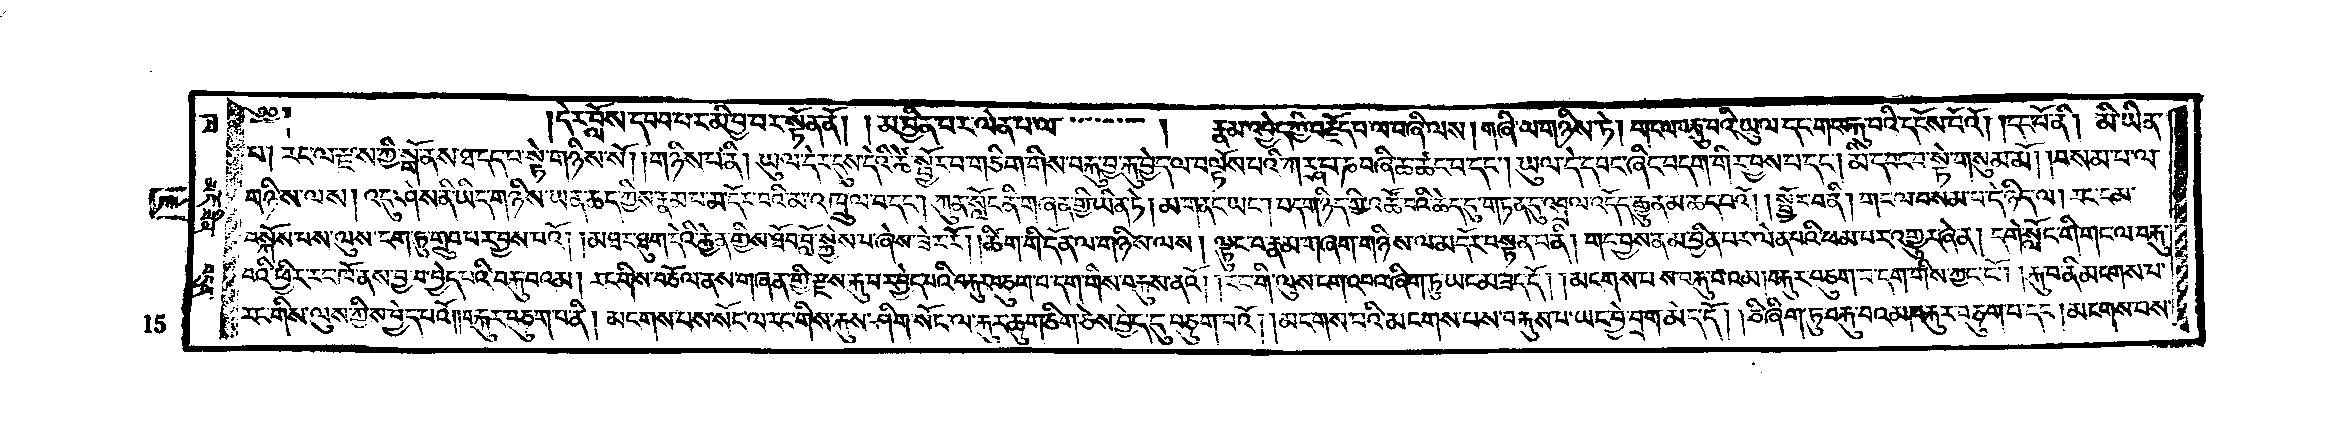༄༅། །དེར་བློས་དབབ་པར་མི་བྱ་བར་སྟོན་ནོ། །མ་བྱིན་པར་ལེན་པ་ལ། རྣམ་འབྱེད་ཀྱི་བརྗོད་པ་ལ་བཞི་ལས། གཞི་ལ་གཉིས་ཏེ། གང་ལ་བརྐུ་བའི་ཡུལ་དང་གང་ལ་བརྐུ་བའི་དངོས་པོའོ། །དང་པོ་ནི། མི་ཡིན་
པ། རང་ལ་རྫས་ཀྱི་སྒོ་ནས་ཐ་དད་པ་སྟེ་གཉིས་སོ། །གཉིས་པ་ནི། ཡུལ་དེར་དུས་དེའི་ཚེ་སྦྱོར་བ་གཅིག་གིས་བརྐུ་བྱ་རྐུ་བྱེད་ལ་བལྟོས་པའི་ཀརྴ་པ་ཎ་བཞི་ཆ་ཚང་བ་དང་། ཡུལ་དེ་དབང་ཞིང་བདག་གིར་བྱས་པ་དང་། མི་དབང་བ་སྟེ་གསུམ་མོ། །བསམ་པ་ལ་
གཉིས་ལས། འདུ་ཤེས་ནི་ཡིད་གཉིས་ཡན་ཆད་ཀྱིས་རྣམ་པ་མ་དོར་བའི་མ་འཁྲུལ་པ་དང་། ཀུན་སློང་ནི་གཞན་གྱི་ཡིན་ཏེ། མ་གནང་ཡང་། བདག་ཉིད་ཀྱི་འཚོ་བའི་ཆེད་དུ་གཏན་དུ་འབྲལ་འདོད་རྒྱུན་མ་ཆད་པའོ། །སྦྱོར་བ་ནི། གང་ལ་བསམ་པ་དེ་ཉིད་ལ། རང་ངམ་
བསྐོས་པས་ལུས་ངག་ཏུ་གྲུབ་པར་བྱས་པའོ། །མཐར་ཐུག་དེའི་རྐྱེན་གྱིས་ཐོབ་བློ་སྐྱེས་པ་ཞེས་ཟེར་རོ། །ཚིག་གི་དོན་ལ་གཉིས་ལས། ལྟུང་བ་རྣམ་གཞག་གཉིས་ལ་མདོར་བསྟན་པ་ནི། གང་བྱས་ན་མ་བྱིན་པར་ལེན་པའི་ཕམ་པར་འགྱུར་ཞེ་ན། དགེ་སློང་གི་གང་ལ་བརྐུ་
བའི་ཕྱིར་རང་ཁོ་ནས་བྱ་བ་བྱེད་པའི་བརྐུ་བའམ། རང་གིས་བཅོལ་ནས་གཞན་གྱི་རྫས་རྐུ་བར་བྱེད་པའི་བརྐུར་བཅུག་པ་དག་གིས་བརྐུས་ནའོ། །རང་གི་ལུས་ངག་འབའ་ཞིག་ཏུ་ཡང་མ་ཟད་དོ། །མངགས་པས་བརྐུ་བའམ། བརྐུར་བཅུག་པ་དག་གིས་ཀྱང་ངོ། །རྐུ་བ་ནི་མངགས་པ་
རང་གིས་ལུས་ཀྱིས་བྱེད་པའོ། །བརྐུར་བཅུག་པ་ནི། མངགས་པས་སོང་ལ་རང་གིས་རྐུས་ཤིག་སོང་ལ་རྐུར་ཆུག་ཅིག་ཅེས་བྱེད་དུ་བཅུག་པའོ། །མངགས་པའི་མངགས་པས་བཅུག་པ་ཡང་བྱེ་བྲག་མེད་དོ། །ཅི་ཞིག་ཏུ་བརྐུ་བའམ། བརྐུར་བཅུག་པ་དང་། མངགས་པས་